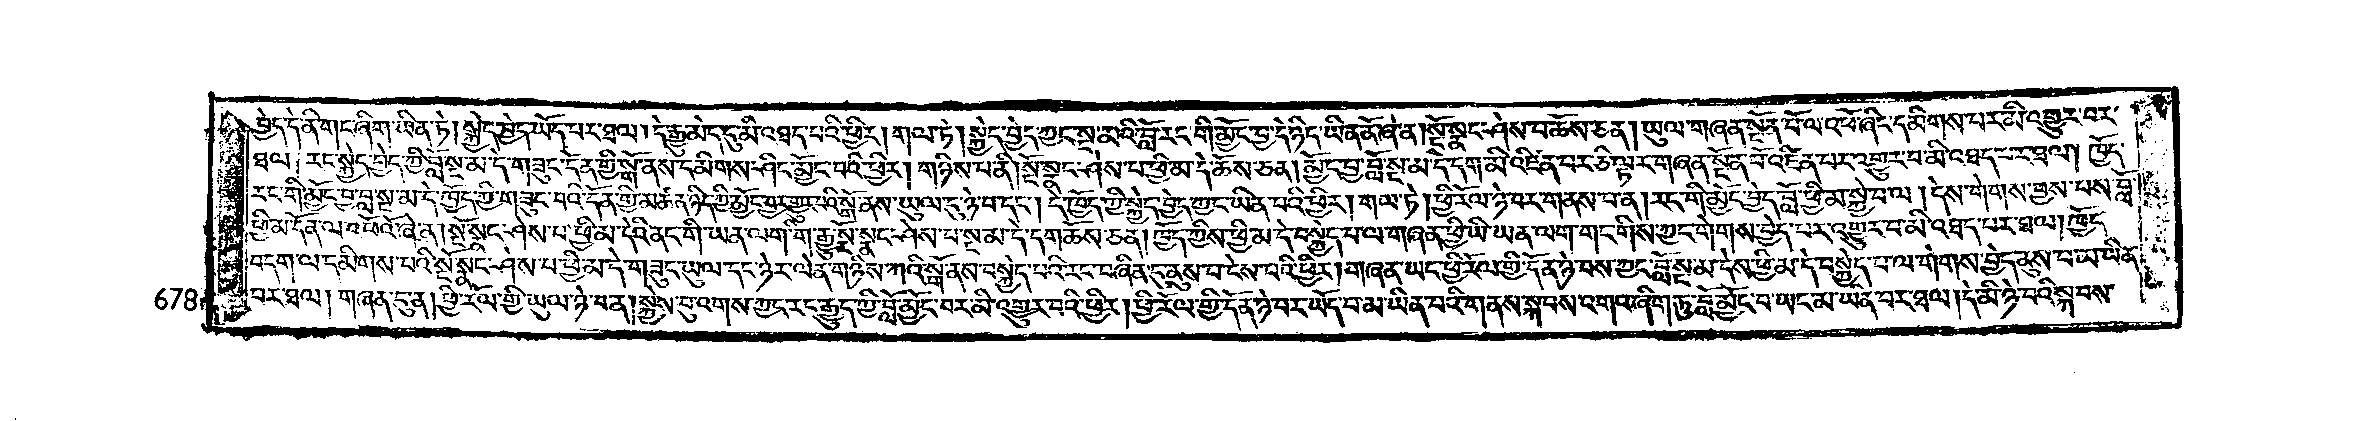བྱེད་དེ་ནི་གང་ཞིག་ཡིན་ཏེ། སྐྱེད་བྱེད་ཡོད་པར་ཐལ། དེ་རྒྱུ་མེད་དུ་མི་འཐད་པའི་ཕྱིར། གལ་ཏེ། སྐྱེད་བྱེད་ཀྱང་སྔ་མའི་བློ་རང་གི་མྱོང་བྱ་དེ་ཉིད་ཡིན་ནོ་ཞེ་ན། སྔོ་སྣང་ཤེས་པ་ཆོས་ཅན། ཡུལ་གཞན་སྔོན་པོ་ལ་འཕོ་ཞིང་དམིགས་པར་མི་འགྱུར་བར་
ཐལ། རང་སྐྱེད་བྱེད་ཀྱི་བློ་སྔ་མ་དེ་གཟུང་དོན་?་གྱི་སྒོ་ནས་དམིགས་ཤིང་མྱོང་བའི་ཕྱིར། གཉིས་པ་ནི། སྔོ་སྣང་ཤེས་པ་ཕྱི་མ་དེ་ཆོས་ཅན། མྱོང་བྱ་བློ་སྔ་མ་དེ་དག་མི་འཛིན་པར་ཅི་ལྟར་གཞན་སྔོན་པོ་འཛིན་པར་འགྱུར་བ་མི་འཐད་པར་ཐལ། ཁྱོད་
རང་གི་མྱོང་བྱ་བླ་སྔ་མ་དེ་ཁྱོད་ཀྱི་གཟུང་བའི་དོན་གྱི་མཚན་ཉིད་ཀྱི་མྱོང་བྱར་གྱུར་པའི་སྒོ་ནས་ཡུལ་དུ་ཉེ་བ་དང་། དེ་ཁྱོད་ཀྱི་སྐྱེད་བྱེད་ཀྱང་ཡིན་པའི་ཕྱིར། གལ་ཏེ། ཕྱི་རོལ་ཉེ་བར་གནས་པ་ན། རང་གི་མྱོང་བྱེད་བློ་ཕྱི་མ་སྐྱེ་བ་ལ། དེས་གེགས་བྱས་པས་བློ་
ཕྱི་མ་དོན་ལ་འཕོའོ་ཞེ་ན། སྔོ་སྣང་ཤེས་པ་ཕྱི་མ་དེའི་ནང་གི་ཡན་ལག་གི་རྒྱུ་སྔོ་སྣང་ཤེས་པ་སྔ་མ་དེ་དག་ཆོས་ཅན། ཁྱོད་ཀྱིས་ཕྱི་མ་དེ་བསྐྱེད་པ་ལ་གཞན་ཕྱི་ཡི་ཡན་ལག་གང་གིས་ཀྱང་གེགས་བྱེད་པར་འགྱུར་བ་མི་འཐད་པར་ཐལ། ཁྱོད་
བདག་ལ་དམིགས་པའི་སྔོ་སྣང་ཤེས་པ་ཕྱི་མ་དེ་གཟུང་ཡུལ་དང་ཉེར་ལེན་གཉིས་ཀའི་སྒོ་ནས་བསྐྱེད་པའི་རང་བཞིན་དུ་ནུས་པ་ངེས་པའི་ཕྱིར། གཞན་ཡང་ཕྱི་རོལ་གྱི་དོན་ཉེ་བས་ཀྱང་བློ་སྔ་མ་དེས་ཕྱི་མ་དེ་བསྐྱེད་པ་ལ་གེགས་བྱེད་ནུས་པ་མ་ཡིན་
པར་ཐལ། གཞན་དུ་ན། ཕྱི་རོལ་གྱི་ཡུལ་ཉེ་བ་ན། སྐྱེས་བུ་འགས་ཀྱང་རང་རྒྱུད་ཀྱི་བློ་མྱོང་བར་མི་འགྱུར་བའི་ཕྱིར། ཕྱི་རོལ་གྱི་དོན་ཉེ་བར་ཡོད་པ་མ་ཡིན་པའི་གནས་སྐབས་འགའ་ཞིག་ཏུ་བློ་མྱོང་བ་ཡང་མ་ཡིན་པར་ཐལ། དེ་མི་ཉེ་བའི་སྐབས་